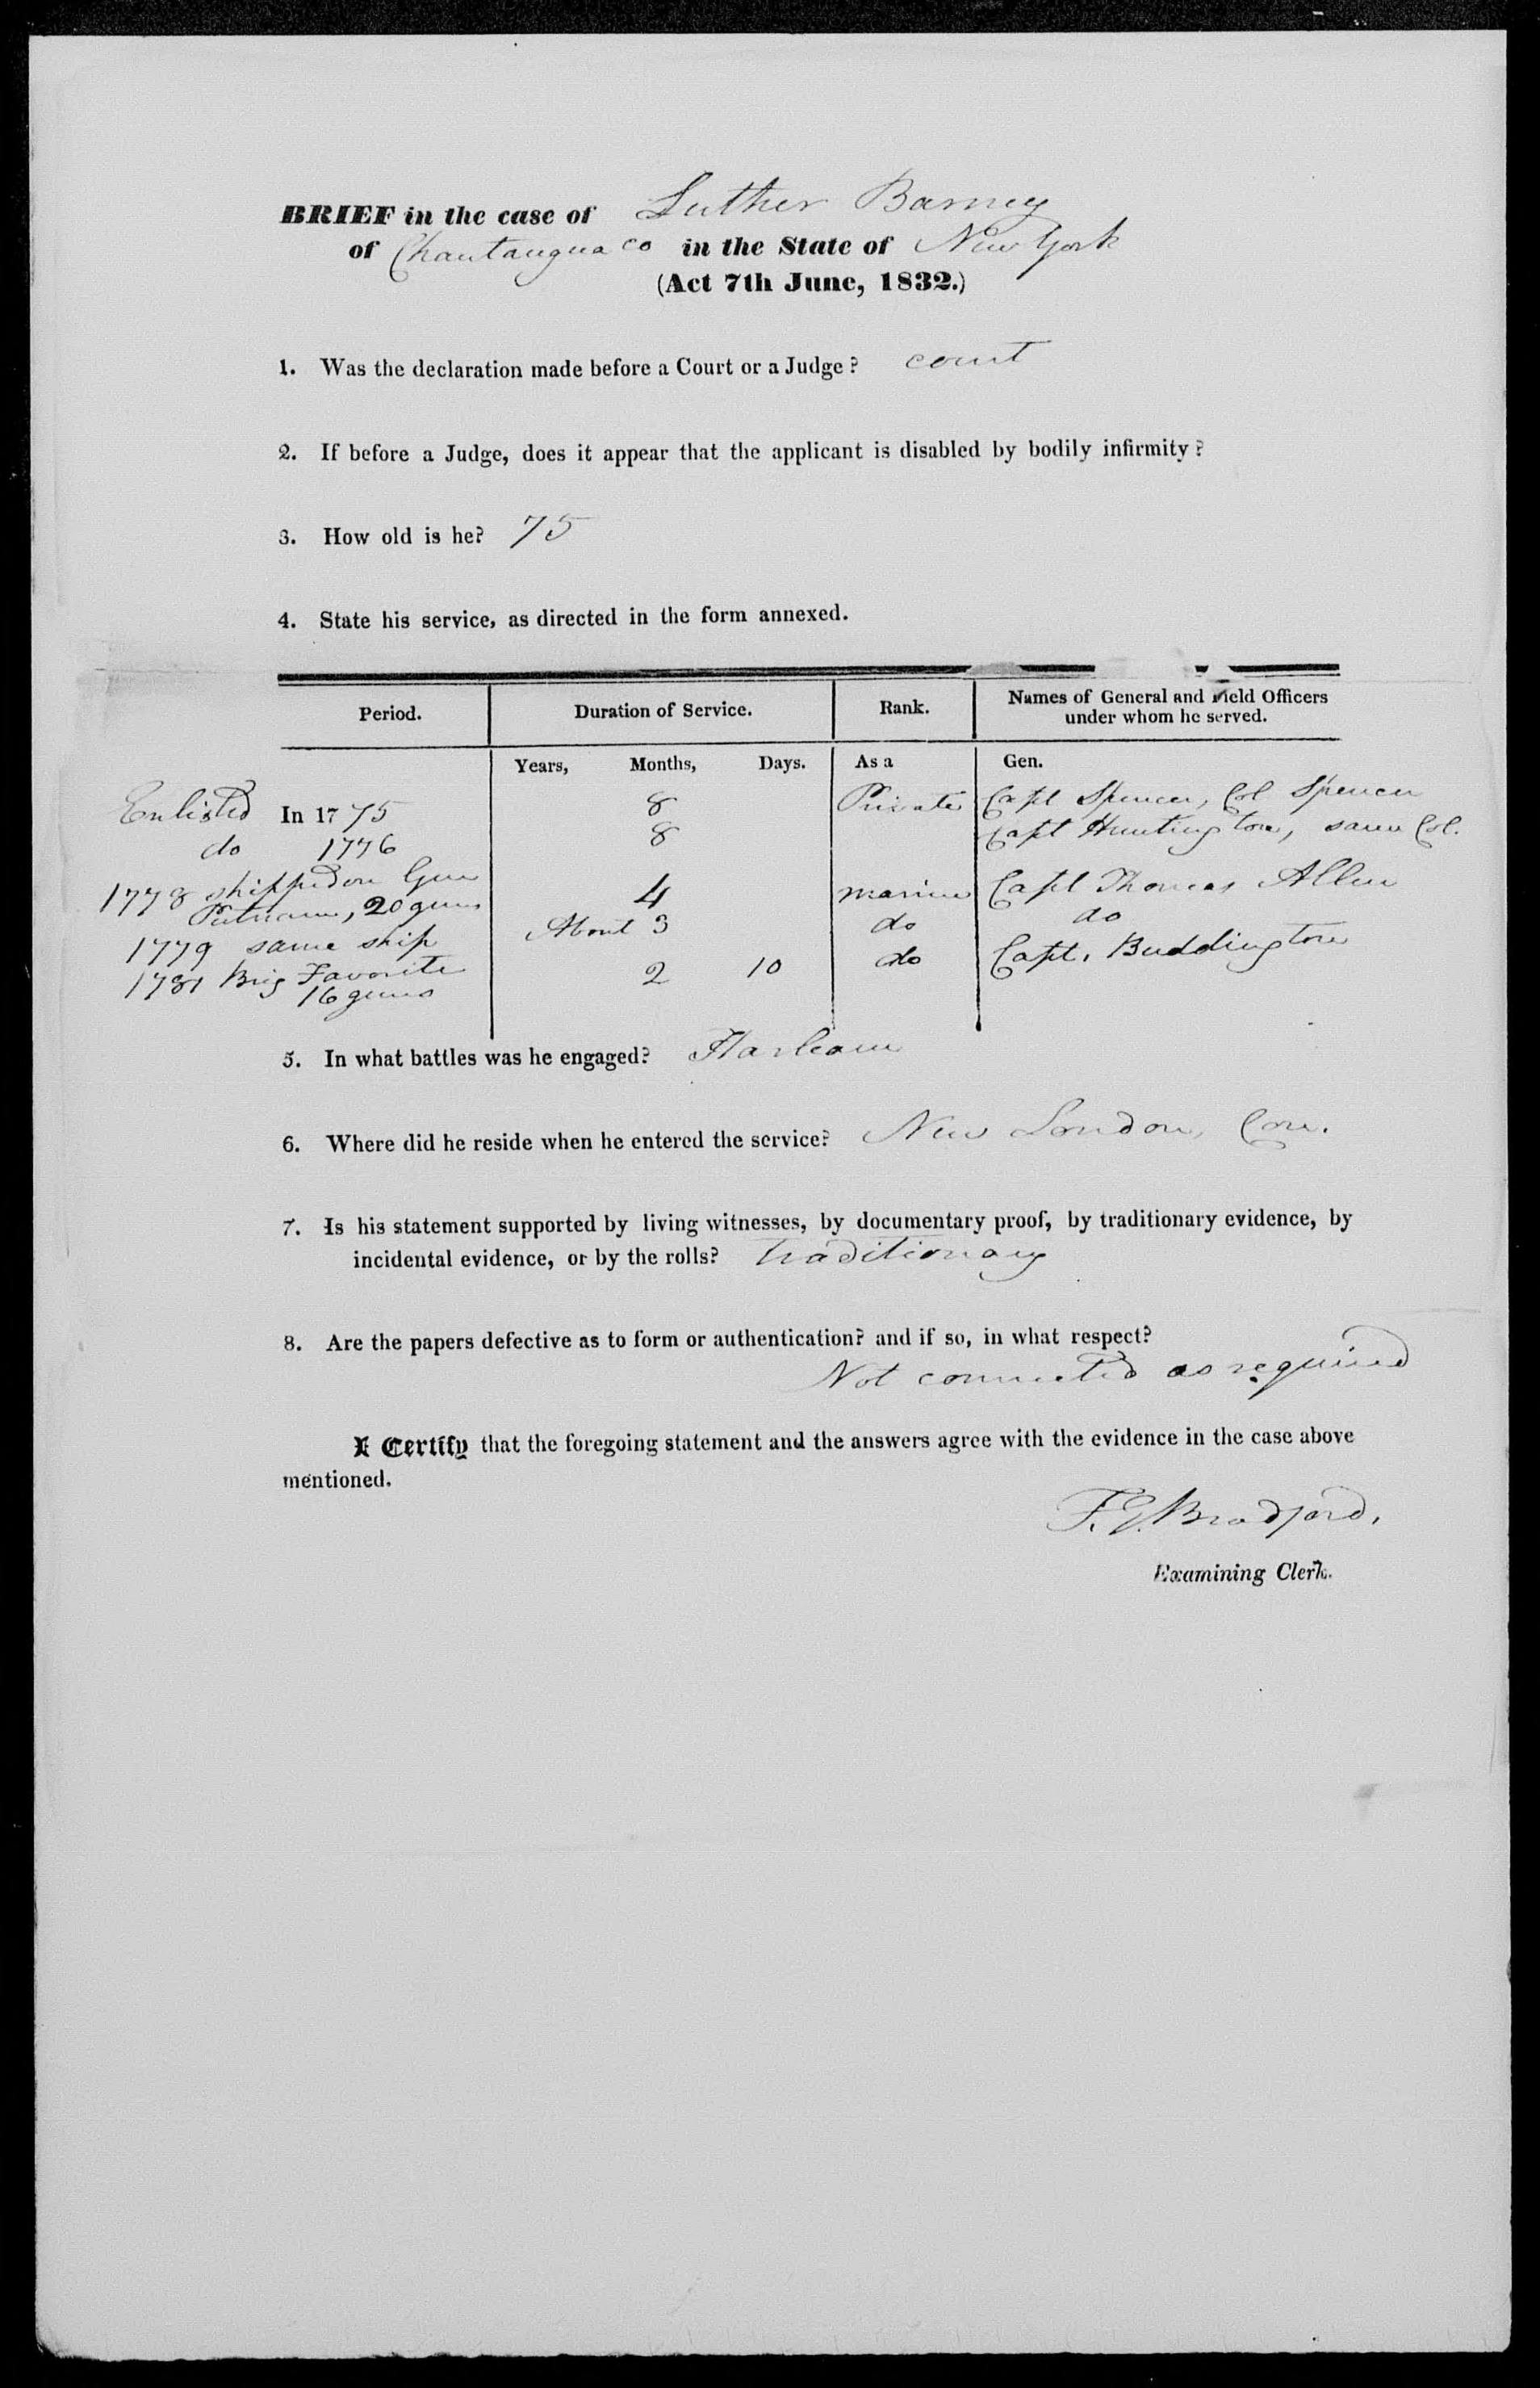BRIEF in the case of
Luther Barney
of Chautauqua Co in the State of New York
(Act 7th June, 1832.)
1. Was the declaration made before a Court or a Judge? Court
2. If before a Judge, does it appear that the applicant is disabled by bodily infirmity?
3. How old is he? 75
4. State his service, as directed in the form annexed.
Period.
Enlisted In 1775
to
1776
1778 shipped on Gen
[illegible], 20 guns
1779
same ship
1781
Brig Favorite
16 guns

Duration of Service.
Years,
Months,
Days,
8
8
4
About 3
2
10
Rank.
As a
Private
Marine
to
to

Names of General and Field Officers
under whom he served.
Gen.
Capt [Captain] Spencer, Col [Colonel] Spencer
Capt [Captain] Huntington, same Col. [Colonel]
Capt [Captain] Thomas Allen
do
Capt. [Captain] Buddington
5. In what battles was he engaged? Harleam [Harlem]
6. Where did he reside when he entered the service? New London, Conn. [Connecticut]

7. Is his statement supported by living witnesses, by documentary proof, by traditionary evidence, by
incidental evidence, or by the rolls? Traditionary
8. Are the papers defective as to form or authentication? and if so, in what respect?
Not [illegible] as required
Certify that the foregoing statement and the answers agree with the evidence in the case above mentioned.
F.  Bradford,
Examining Clerk.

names: Thomas Allen, Huntington, F G Bradford, Spencer, Luther Barney, Buddington, Spencer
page: 12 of 61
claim: widow's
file: W. 4.124, Luther Barney, Conn. Privateer.